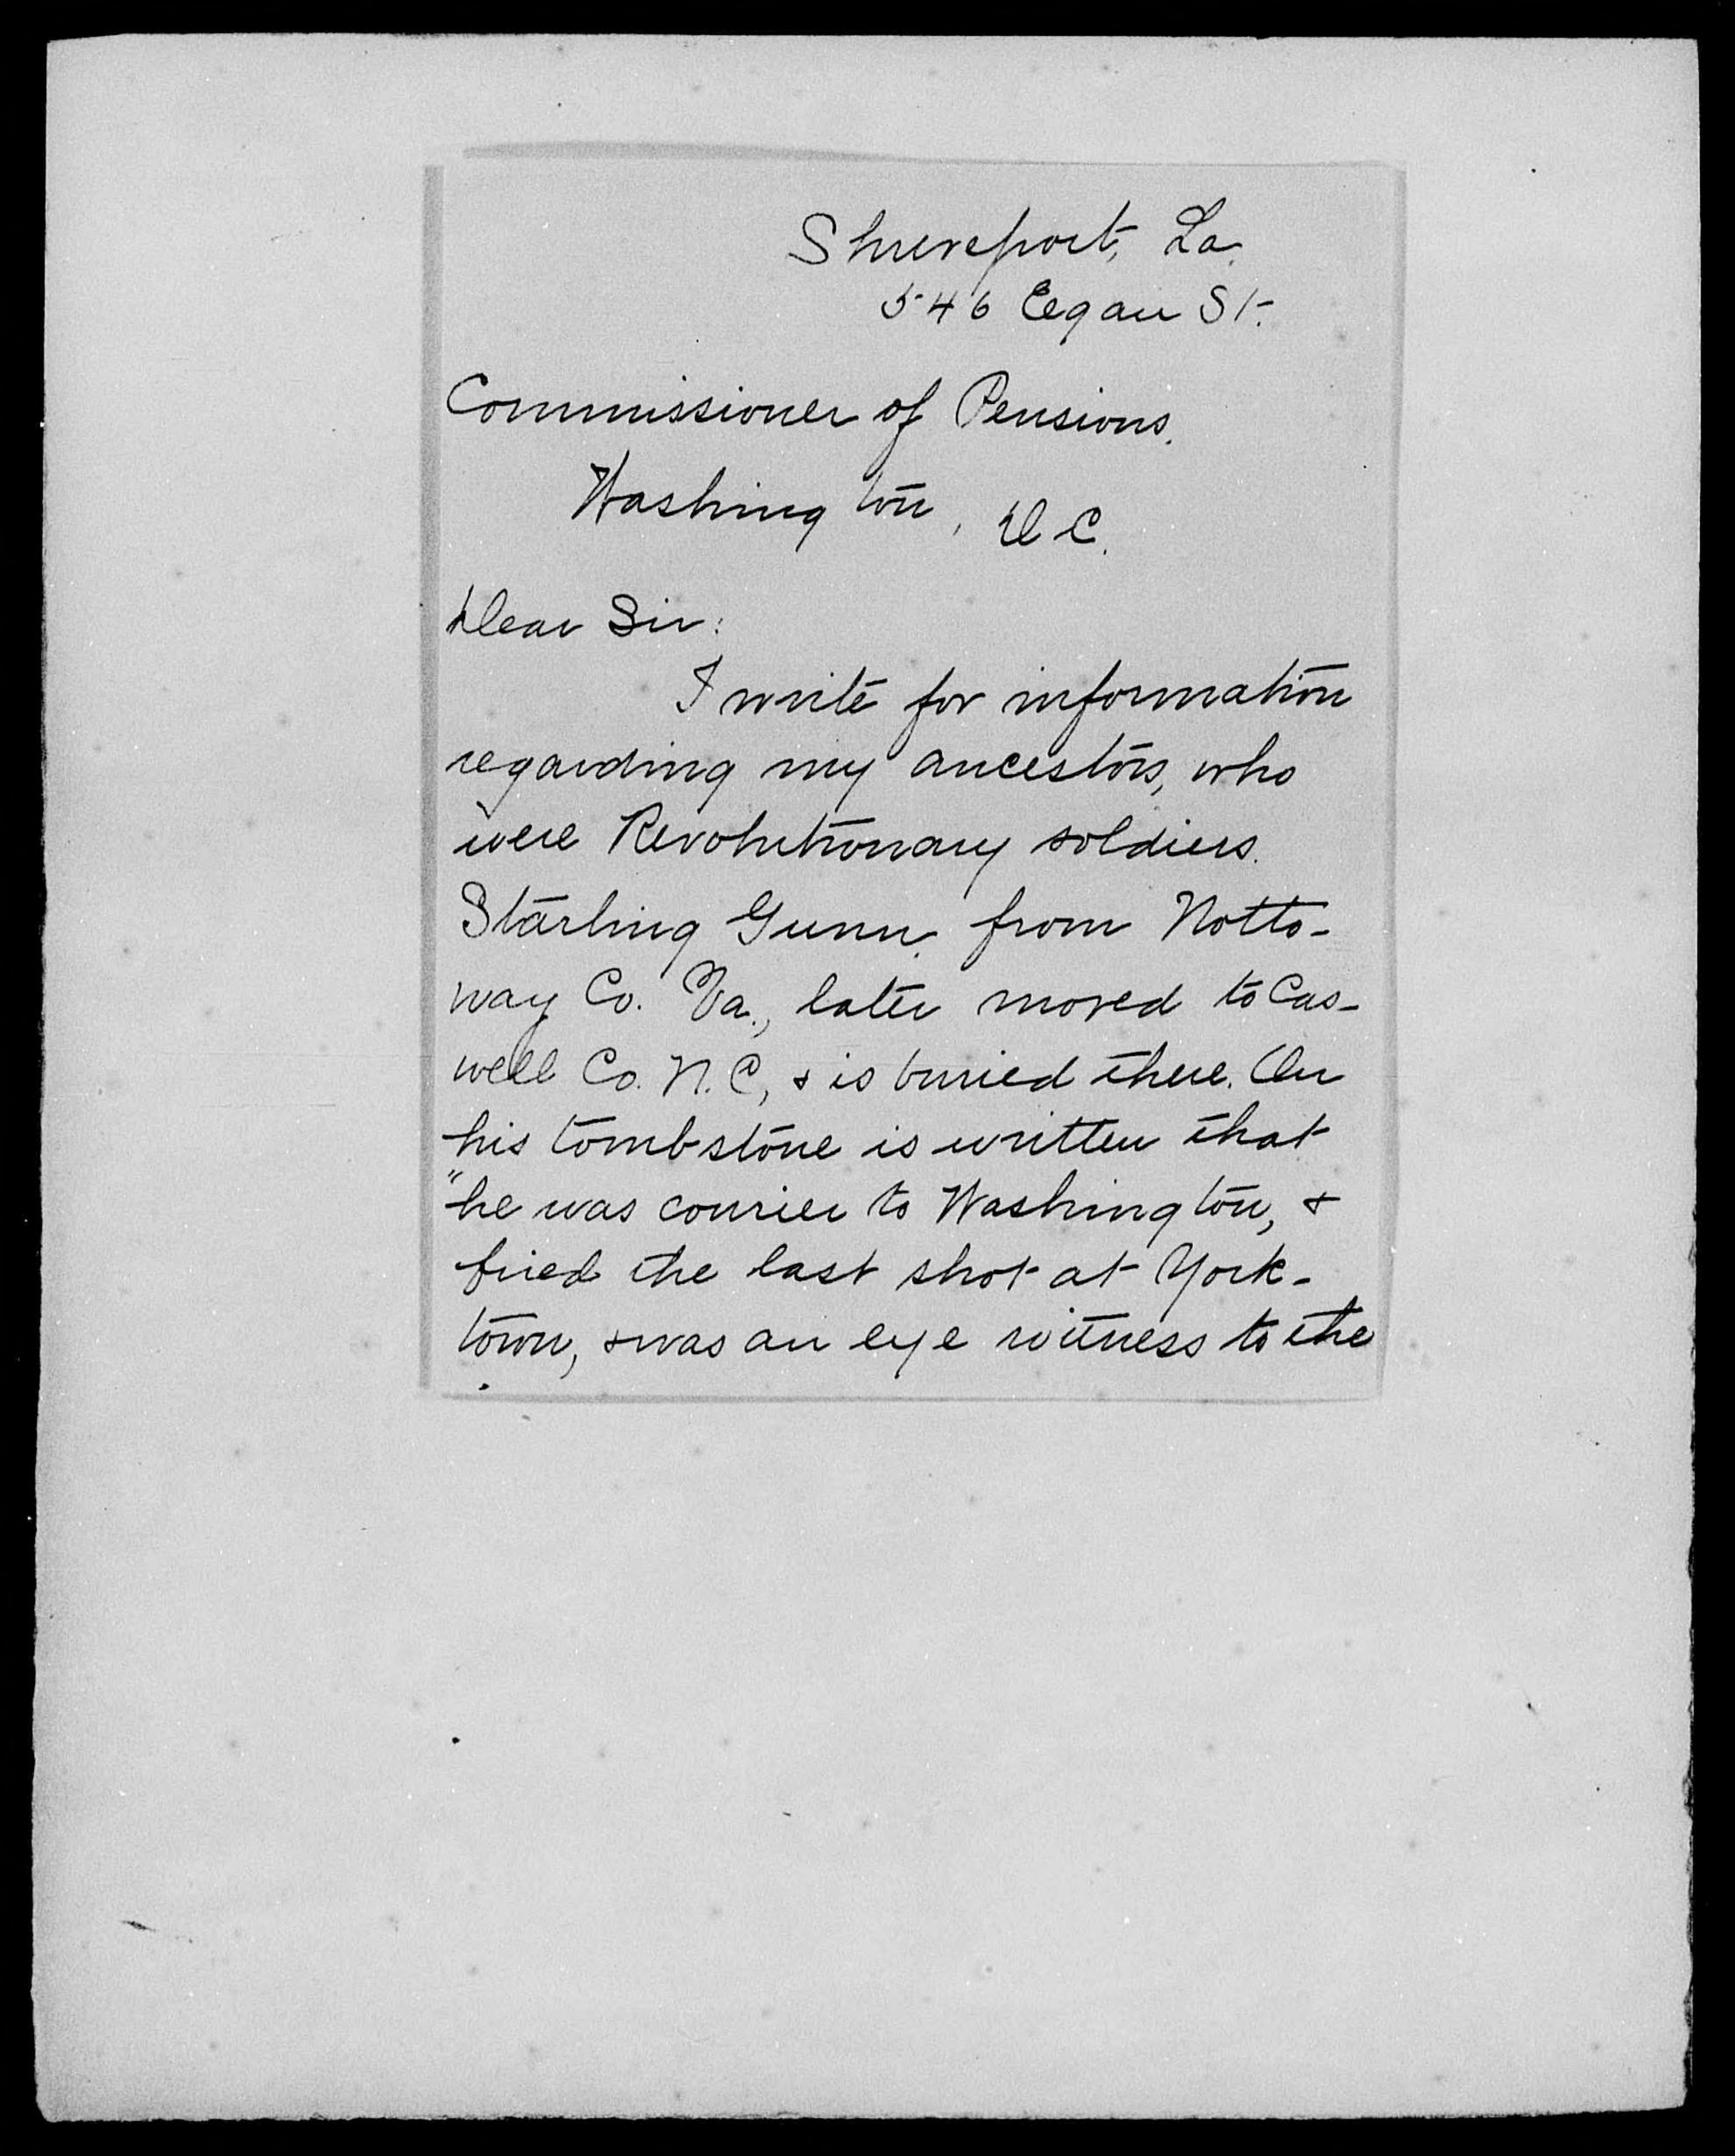Shreveport, La.  546 Egan St.

Commissioner of Pensions.  Washington, D.C.
Dear Sir:  I write for information regarding my ancestor, who were Revolutionary soldiers.  Starling Gunn from Nottoway Co. Va., later moved to Caswell Co. N.C., & is buried there.  On his tombstone is written that "he was courier to Washington, & fired the last shot at Yorktown, & was an eye witness to the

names: Starling Gunn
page: 18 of 58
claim: survivor's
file: S. 6,941, Starling Gunn, Continental Va.